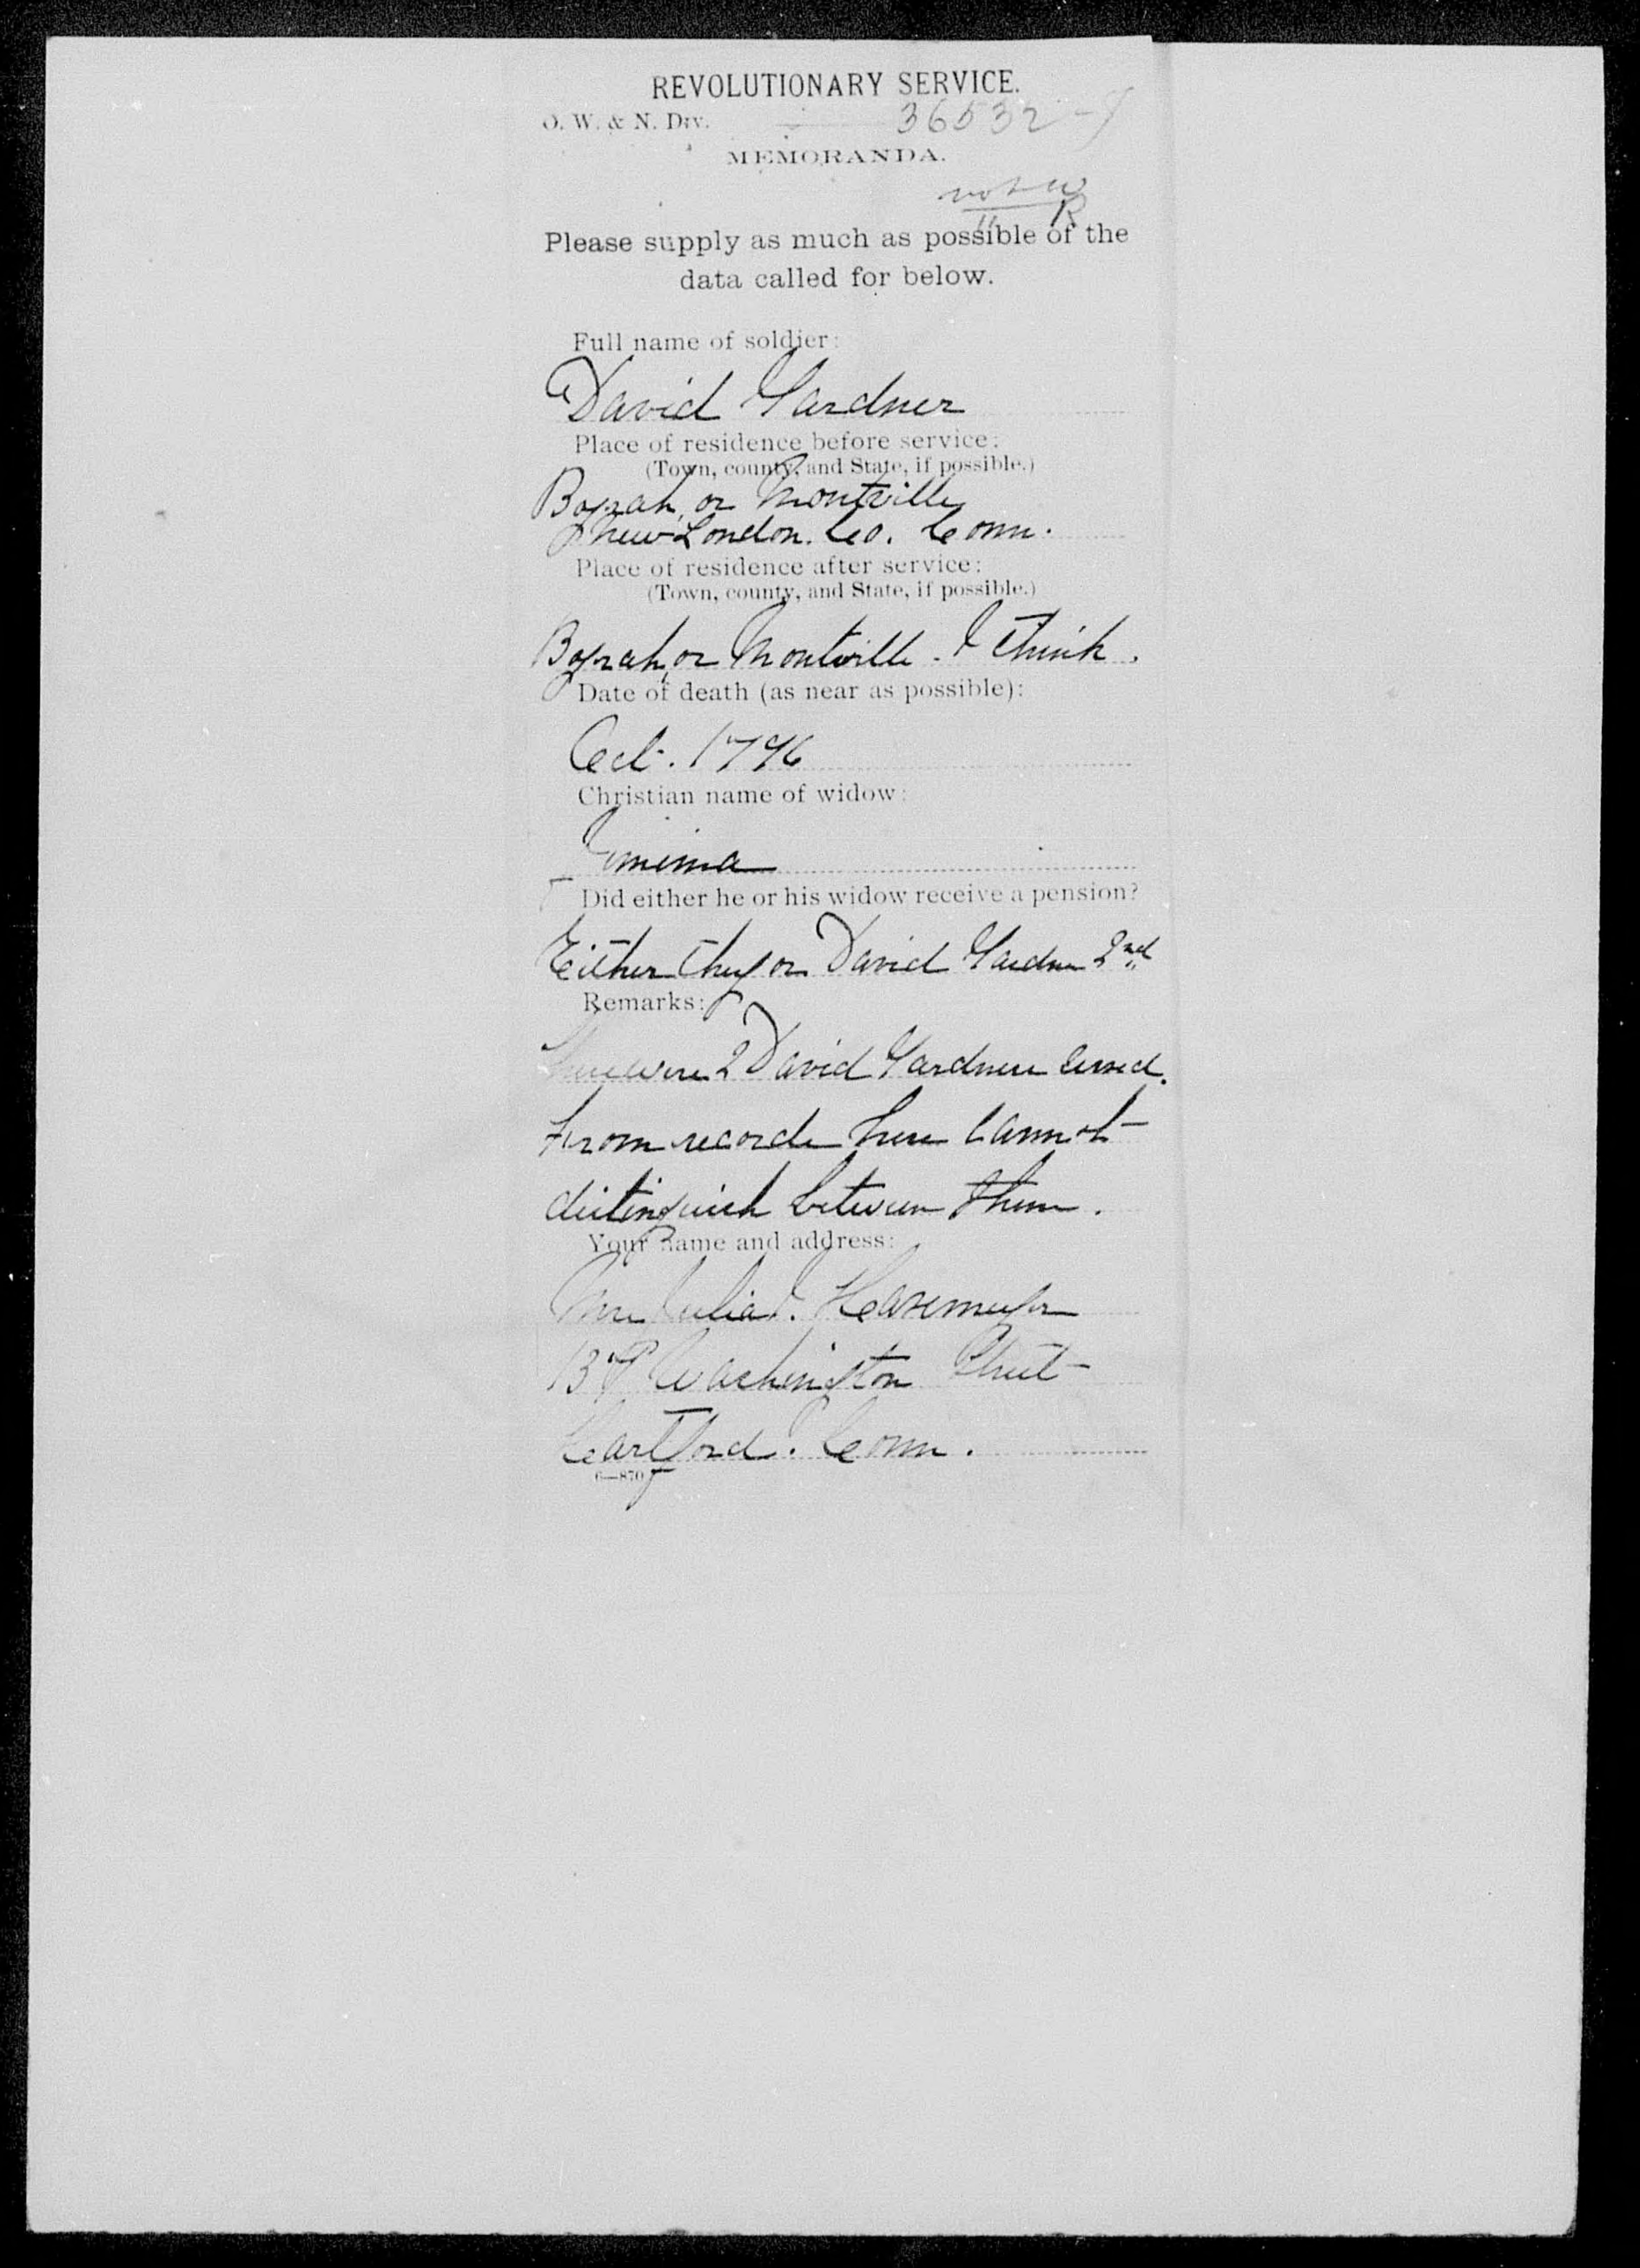REVOLUTIONARY SERVICE.
O. W. & N. Div.      36532-J
MEMORANDA
(illegible)
Please supply as much as possible of the
data called for below.
Full name of soldier:
David Gardner
Place of residence before service:
(Town, county, and State, if possible.)
Bozrah or Montville
New London Co, Conn
Place of residence after service:
(Town, county, and State, if possible.)
Bozrah or Montville, I think,
Date of death (as near as possible):
Oct. 1776
Christian name of widow:
Jeimima
Did either he or his widow receive a pension?
Either they or David Gardner 2nd
Remarks:
There were 2 David Gardners [illegible]
From record here cannot
distinguish between them.
Your name and address:
Mrs. Julia L. Havemeyer
137 Washington Street
Hartford. Conn.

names: David Gardner, David Gardner, Jemima, David Gardner, Julia I Havemeyer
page: 42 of 66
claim: widow's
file: W 1850, David Gardner, Conn.